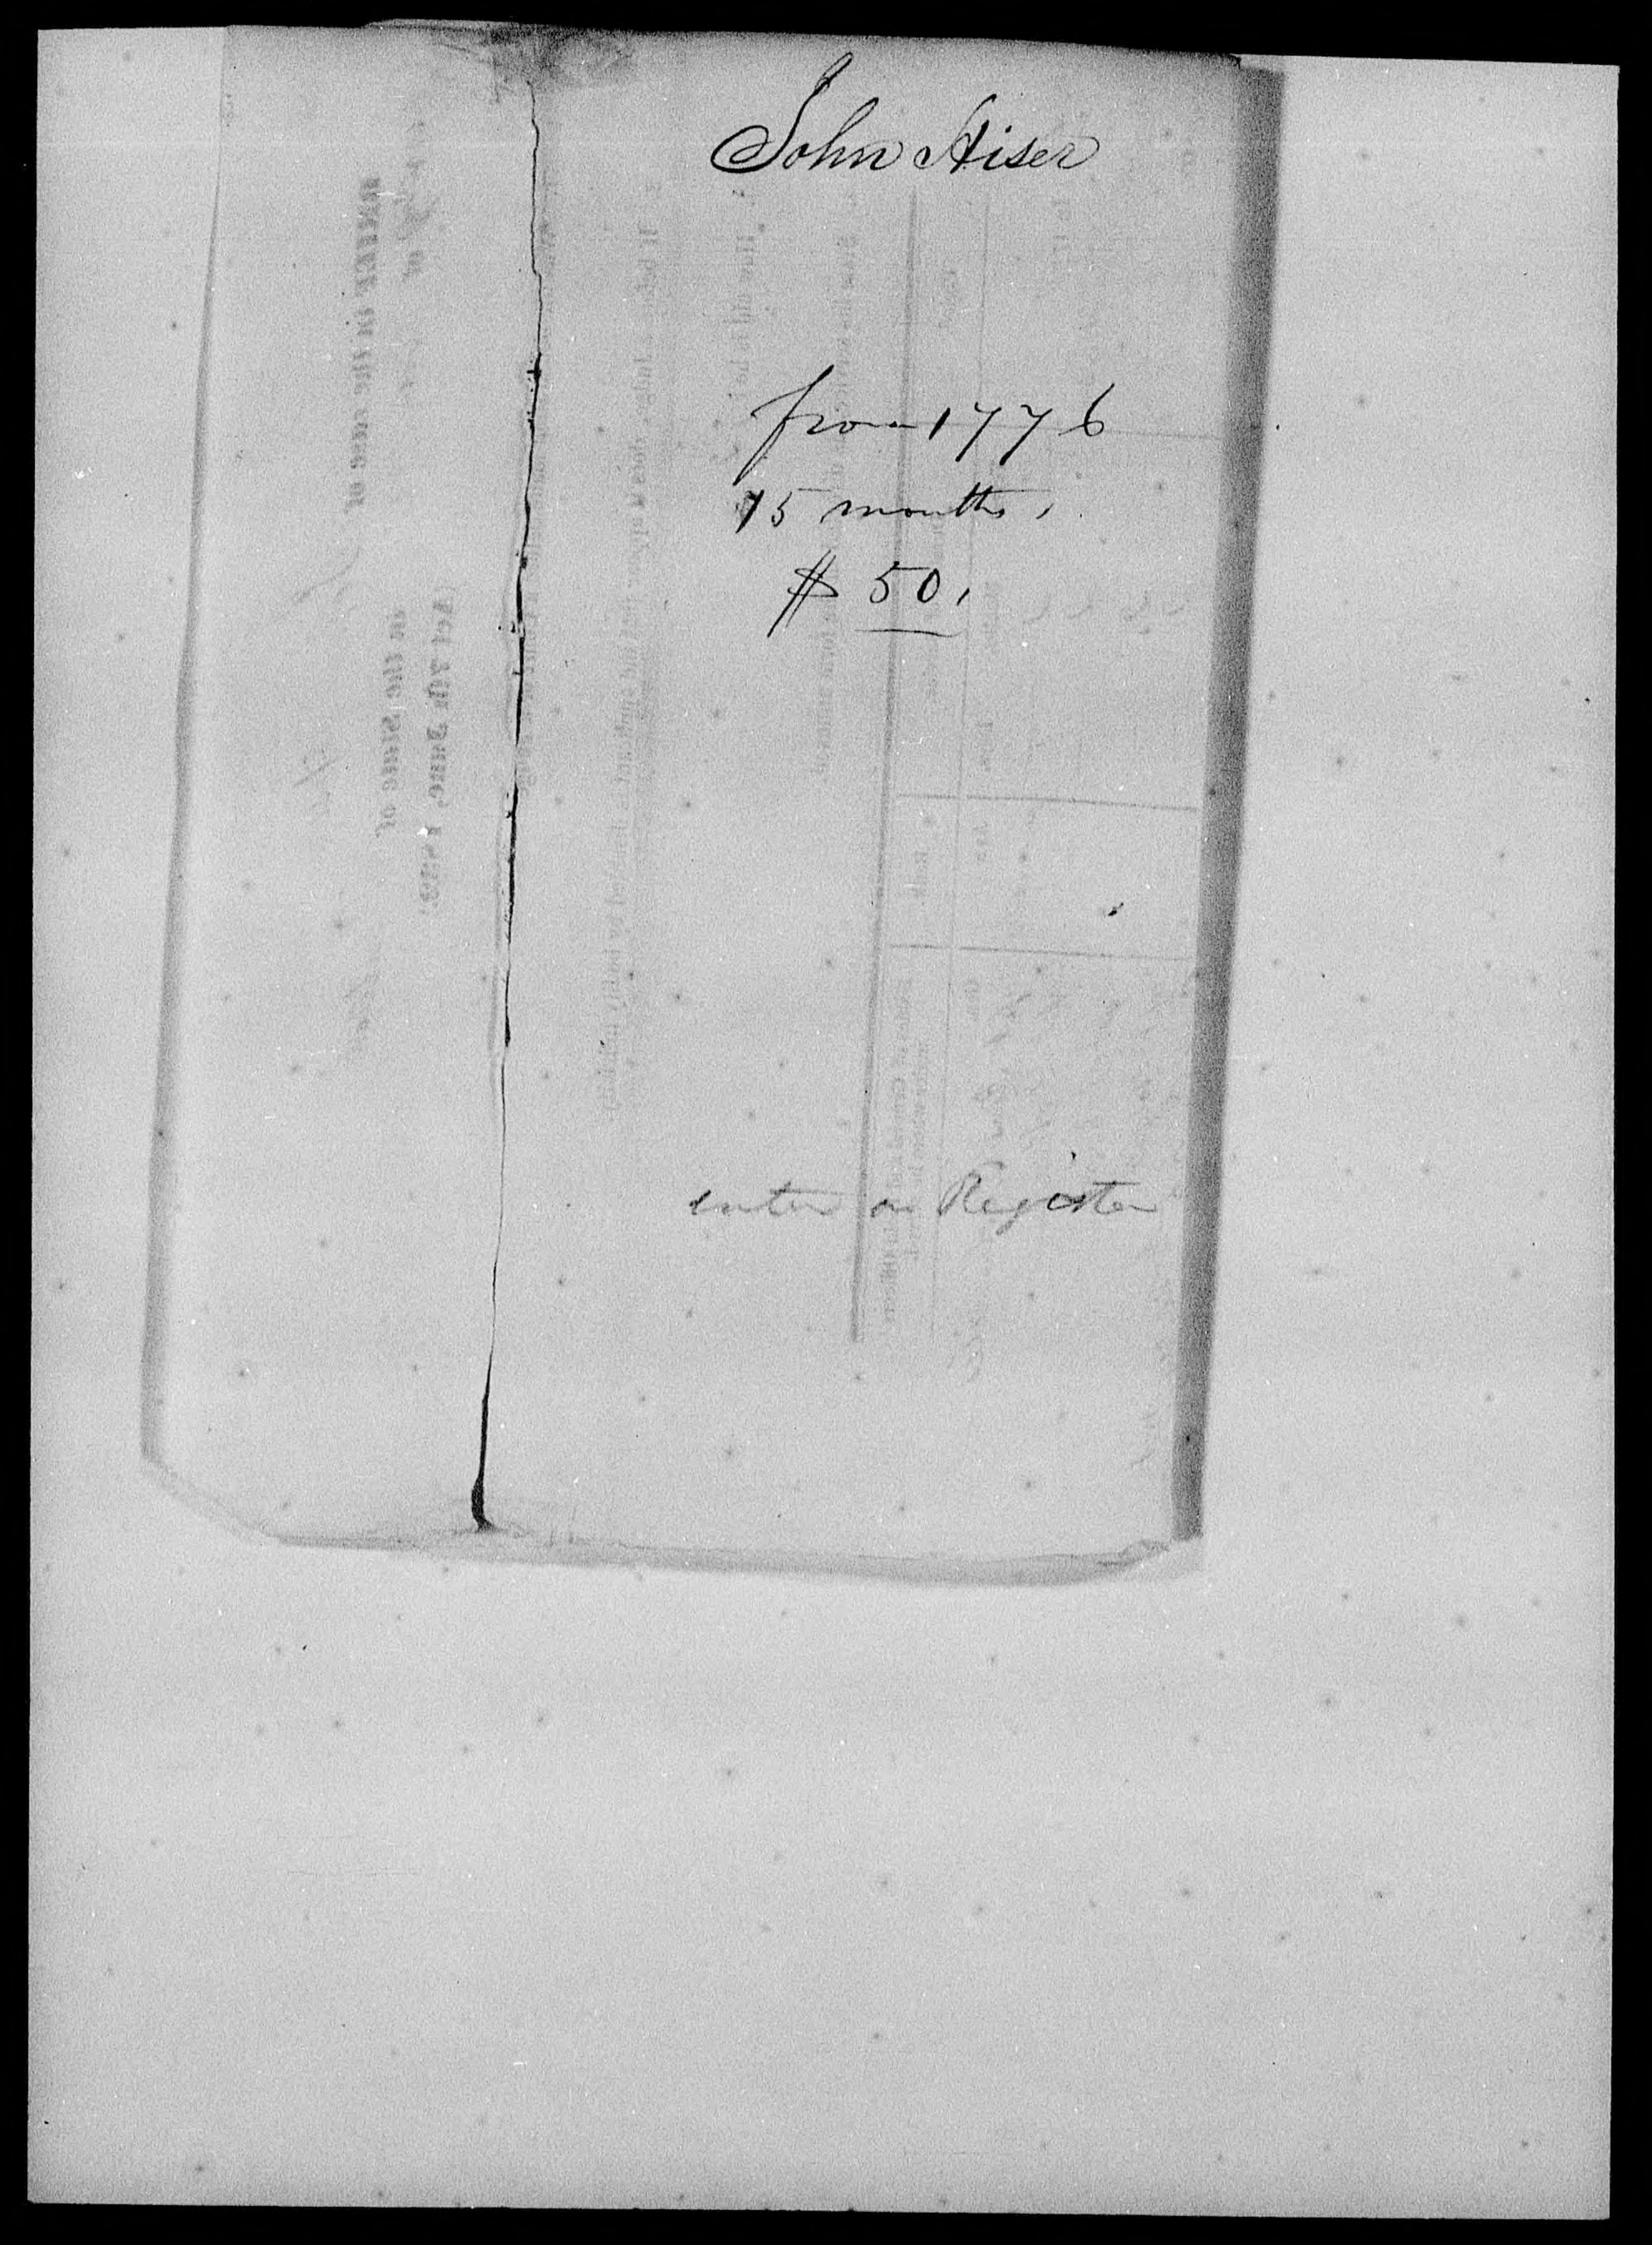John Hiser

from 1776
15 months.
$50.

enter on Register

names: John Hiser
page: 10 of 58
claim: widow's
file: W. 8932, John Hiser, Penn.